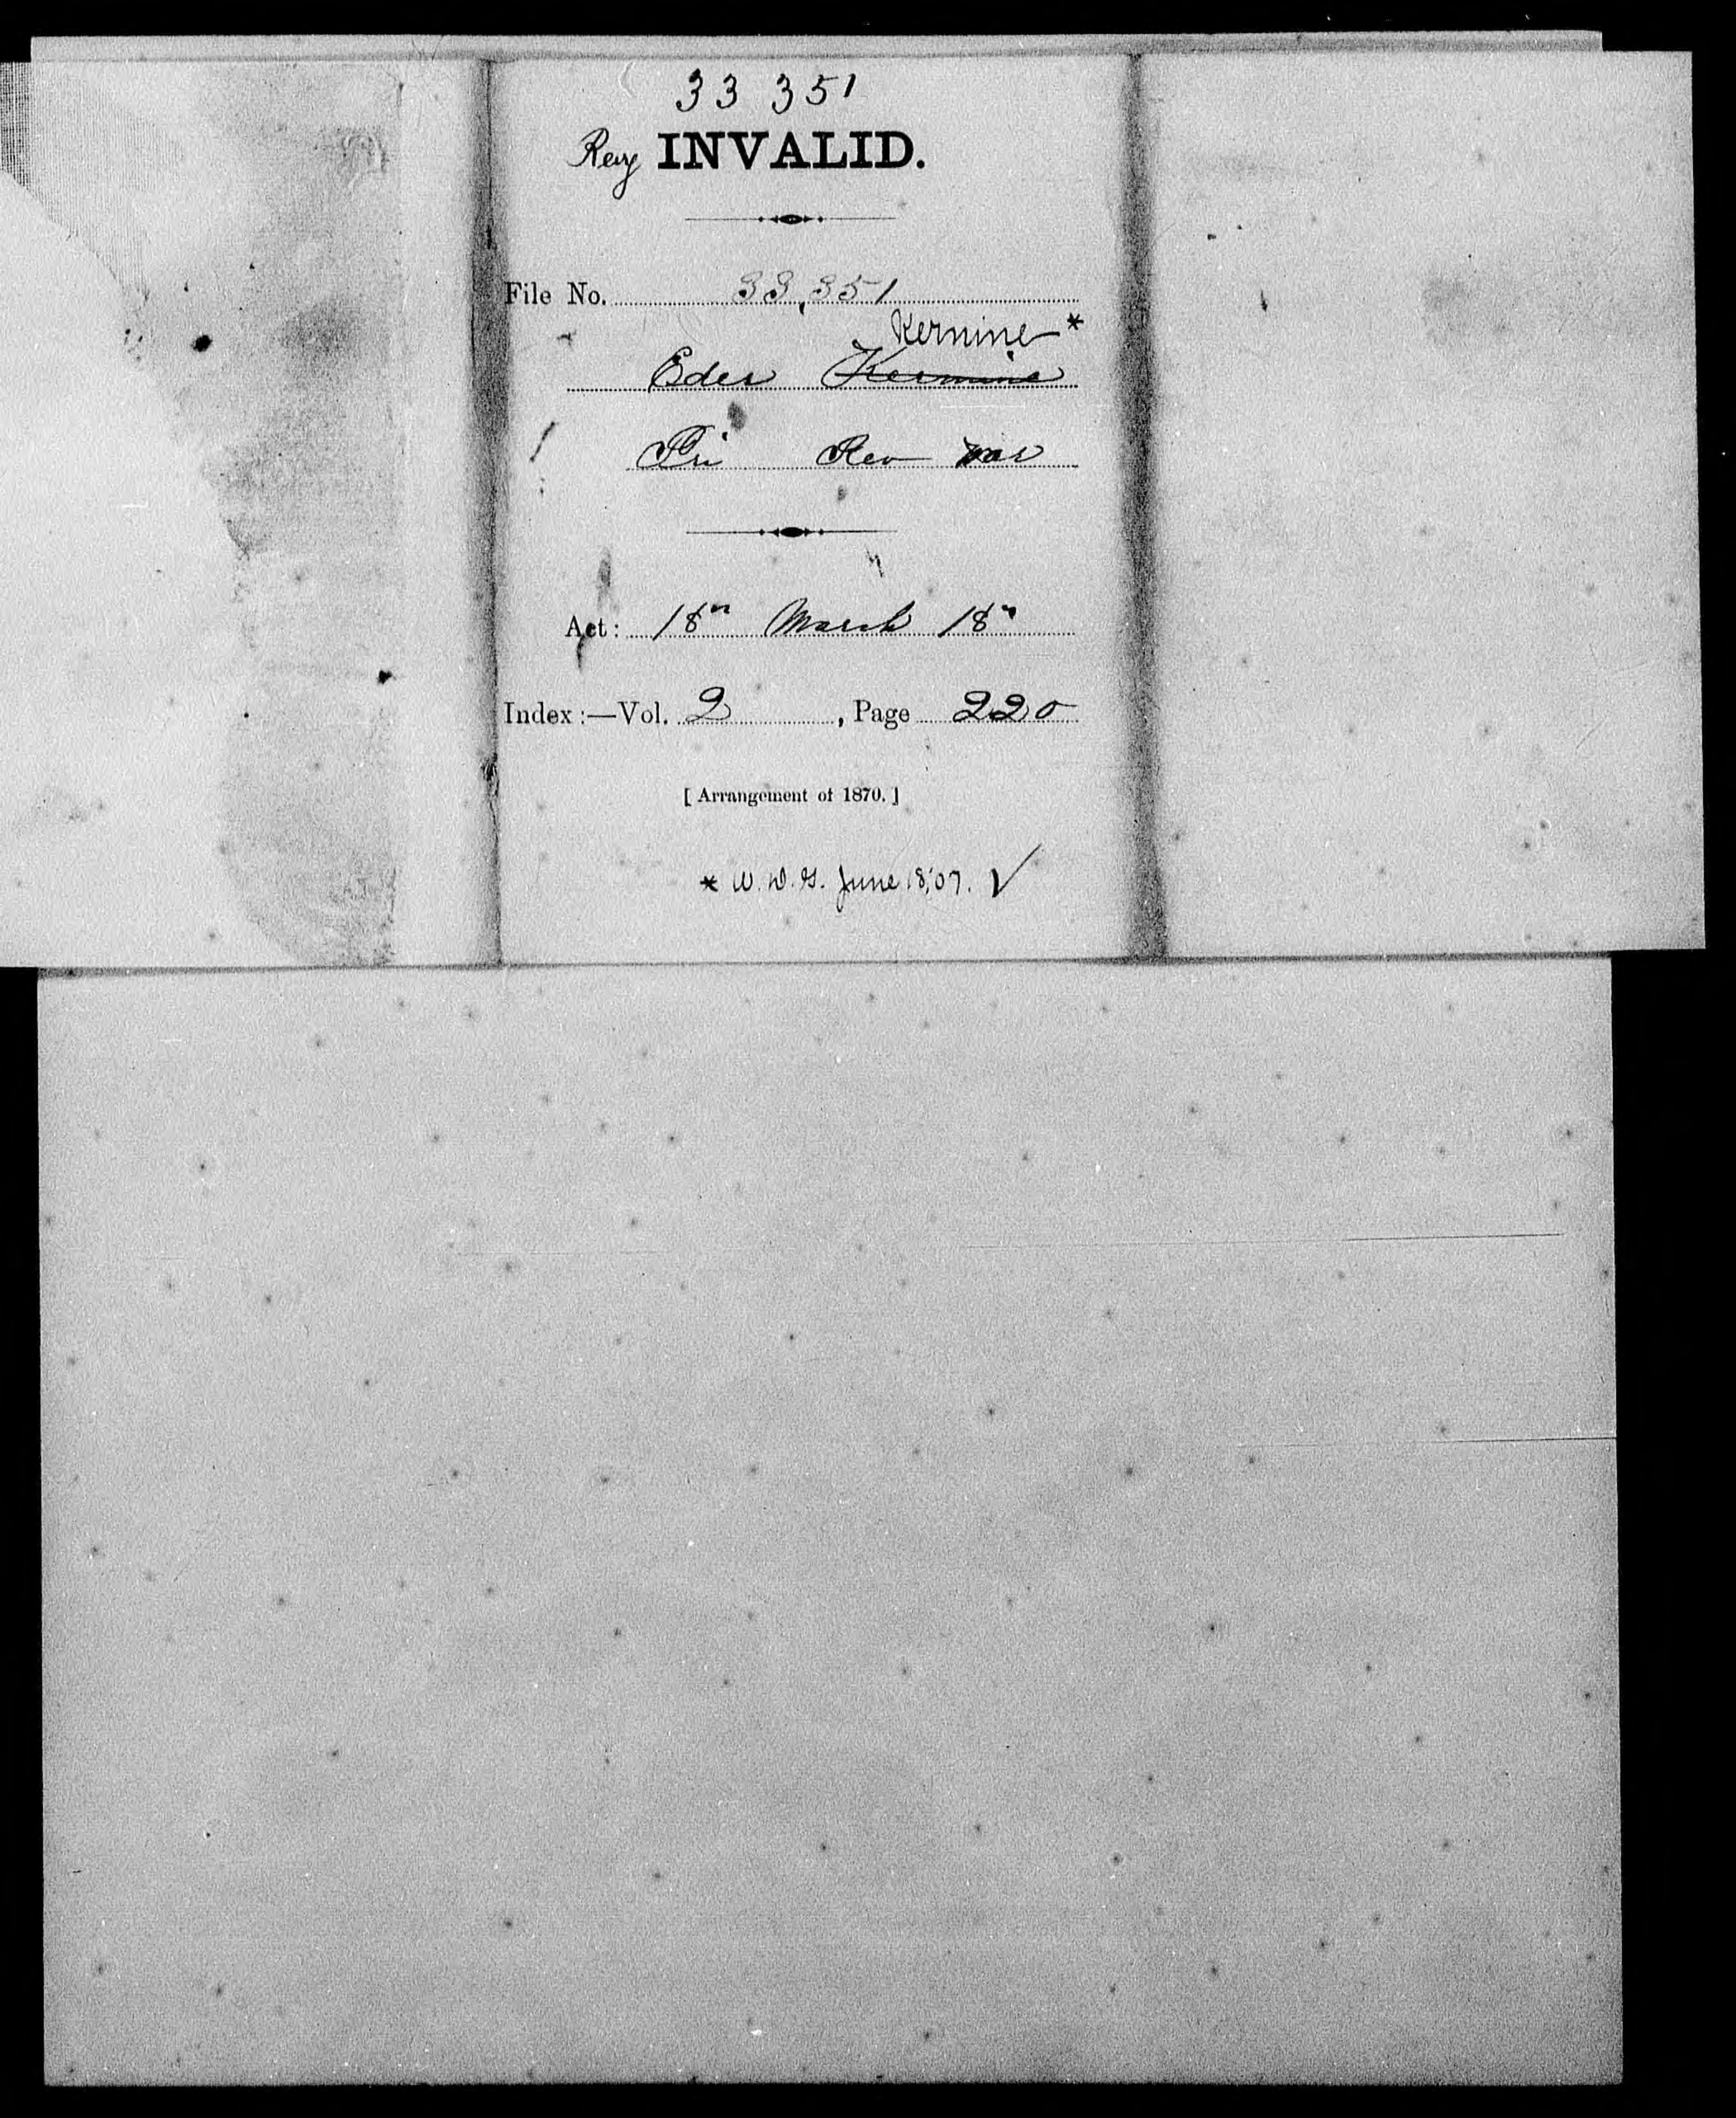Revy
File No.
33351
INVALID.

33351
Eder Kernine
I Rev War
Act: 18 March 18
┃ Index: - Vol. 2, Page 220
Arrangement of 1870.]
W.D.G. June 1807.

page: 11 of 15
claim: survivor's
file: S. 33351, for Eder Kernine, New Jersey